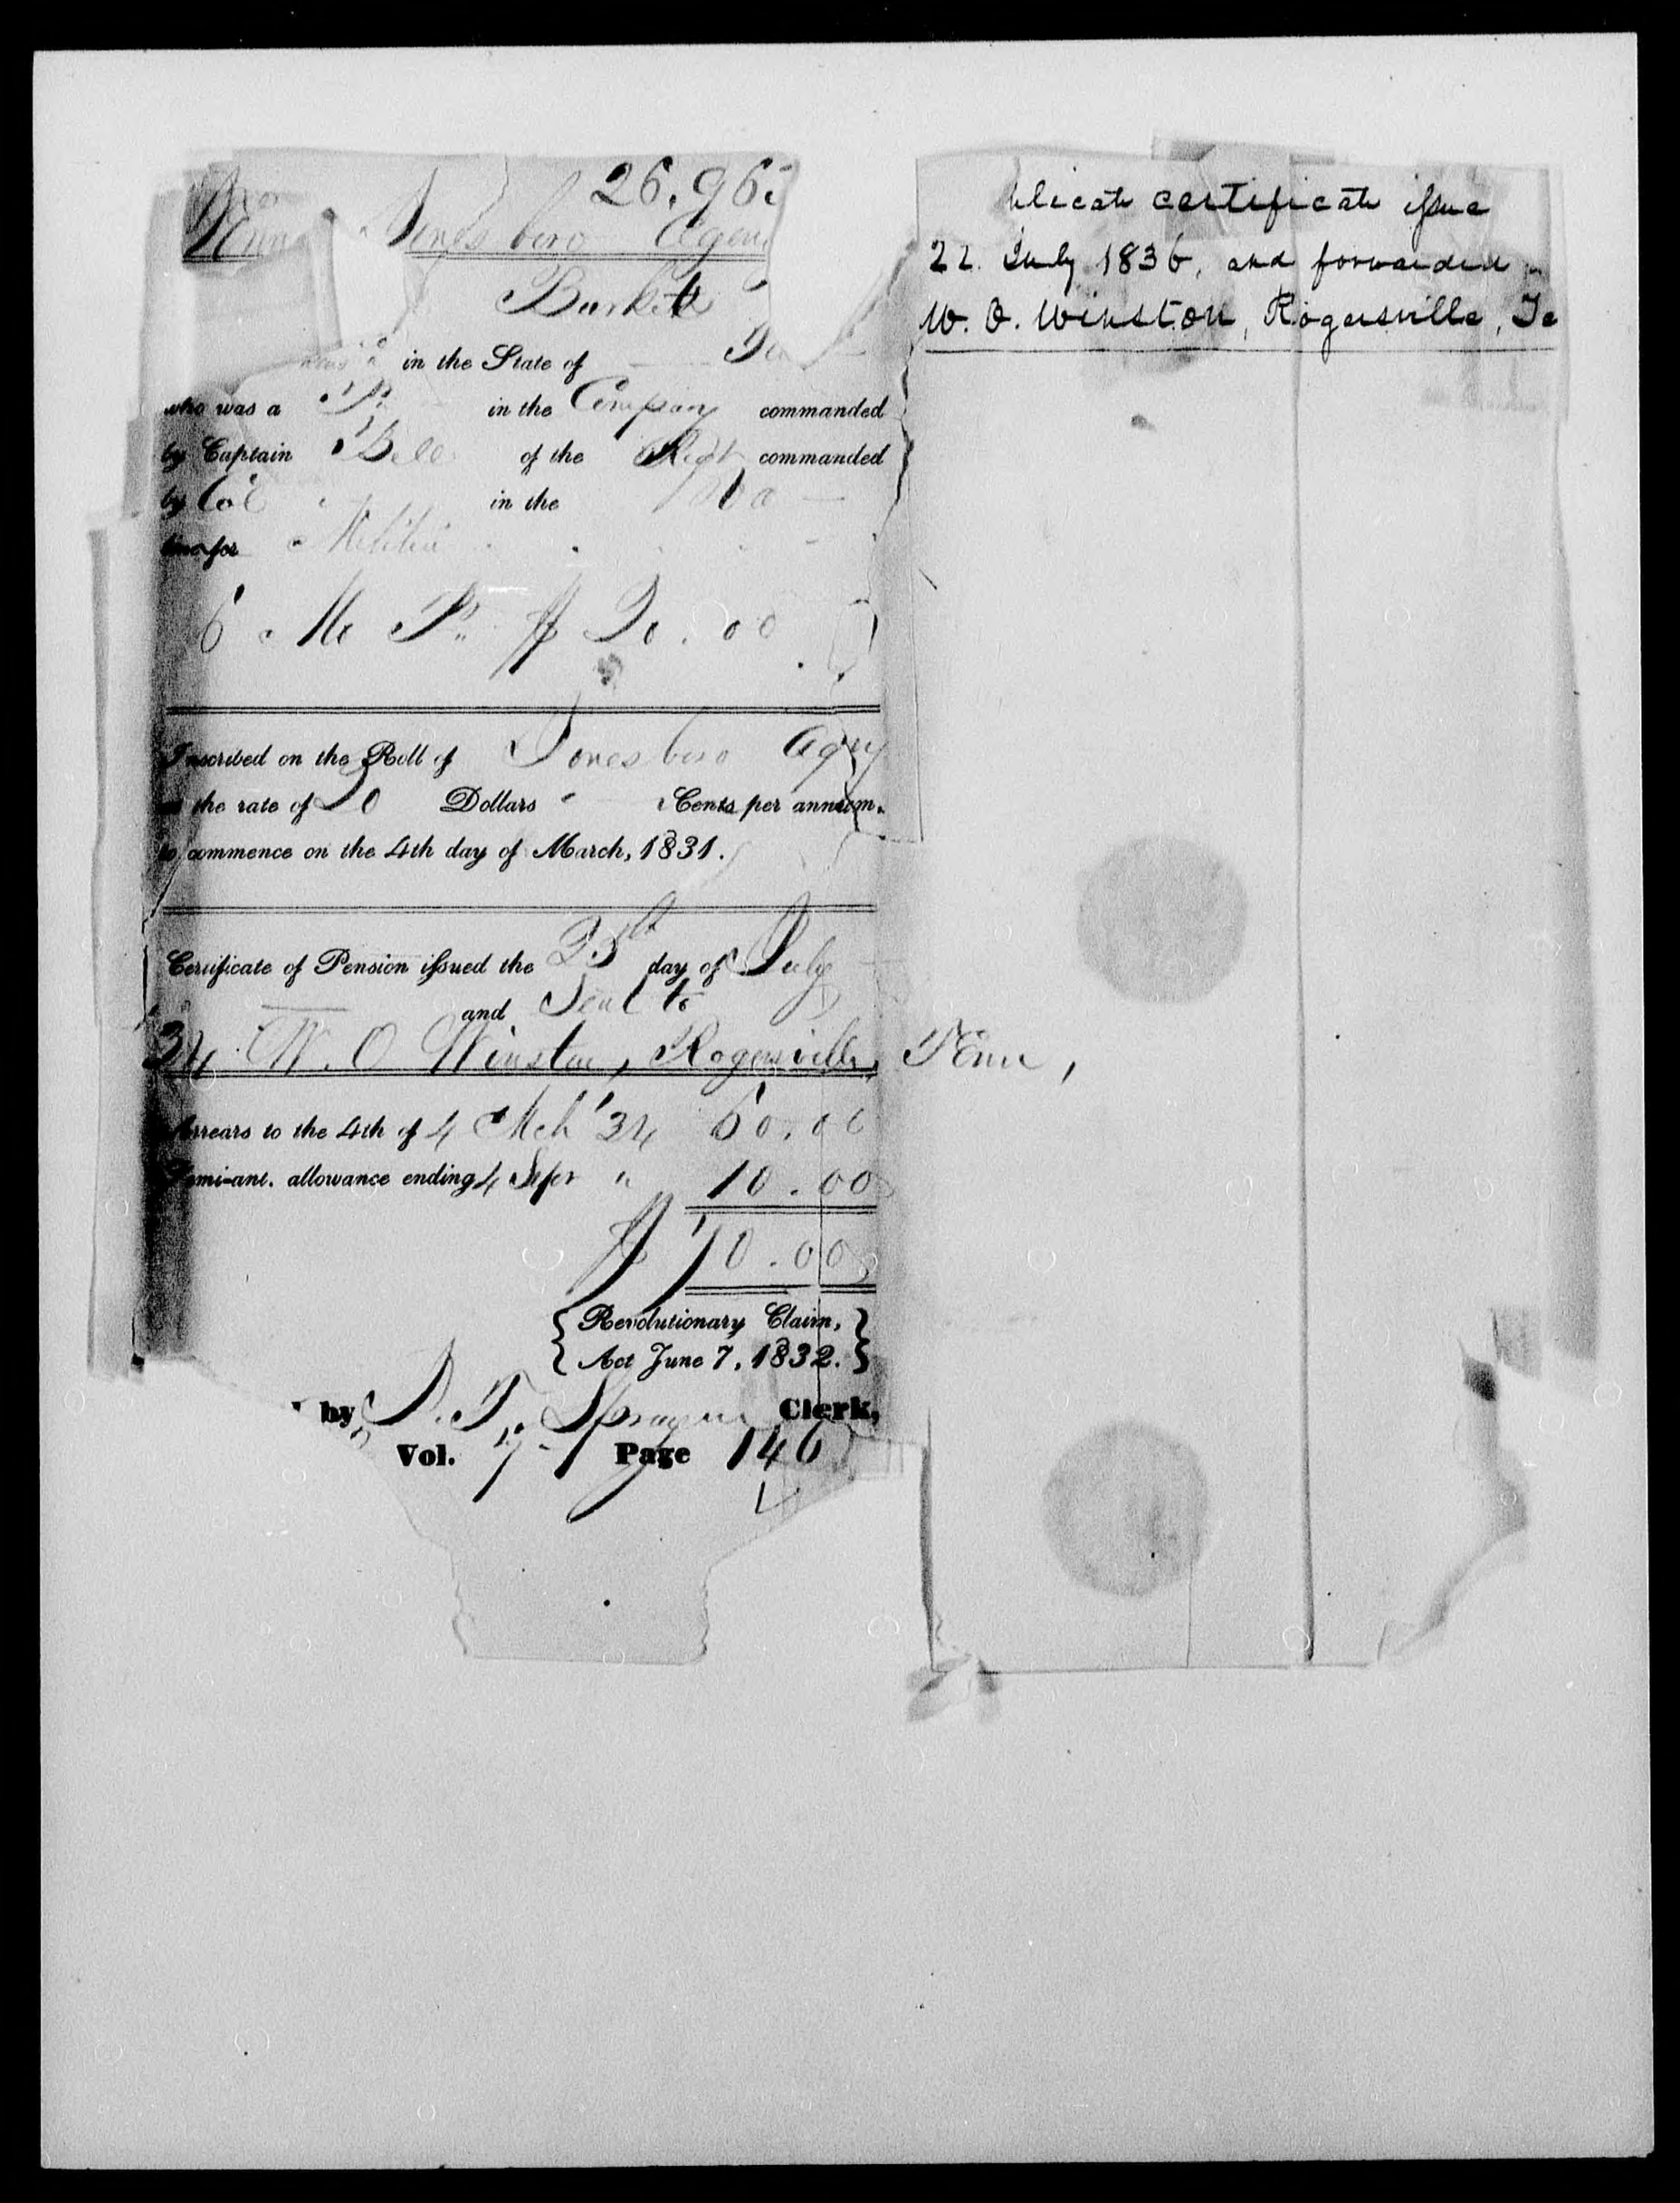(Page badly damaged and torn)
(Left side of page)

26.963  
Tenn Jonesboro Agency
Burkett
in the State of Ten
who was a Pr in the Company commanded
by Captain Bell of the Regt commanded
by Col in the Va
[illegible] Militia
6 Mo Jo $ 20.00

Subscribed on the Roll of Jonesboro Agby
at the rate of 20 Dollars – Cents per annum.
to commence on the 4th day of March, 1831

Certificate of Pension issued the 25th day of July
and sent to 
W. O. Winston, Rogersville Tenn,

Arrears to the 4th of 4 Mch ’34	60.00
Semi-anl. allowance ending 4 Sept “	10.00
					$70.00

{Revolutionary Claim, }
{Act June 7, 1832}
by J. T. Sprague Clerk,
Vol 7 Page 146

(right top of page)
(torn page) blicate certificate issue
22 July 1836, and forwarded
W. O. Winston, Rogersville, Te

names: W O Winston, W O Winston, Burket, Bell, J T Sprague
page: 37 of 47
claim: survivor's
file: S. 3102, Frederick Burket, Va.